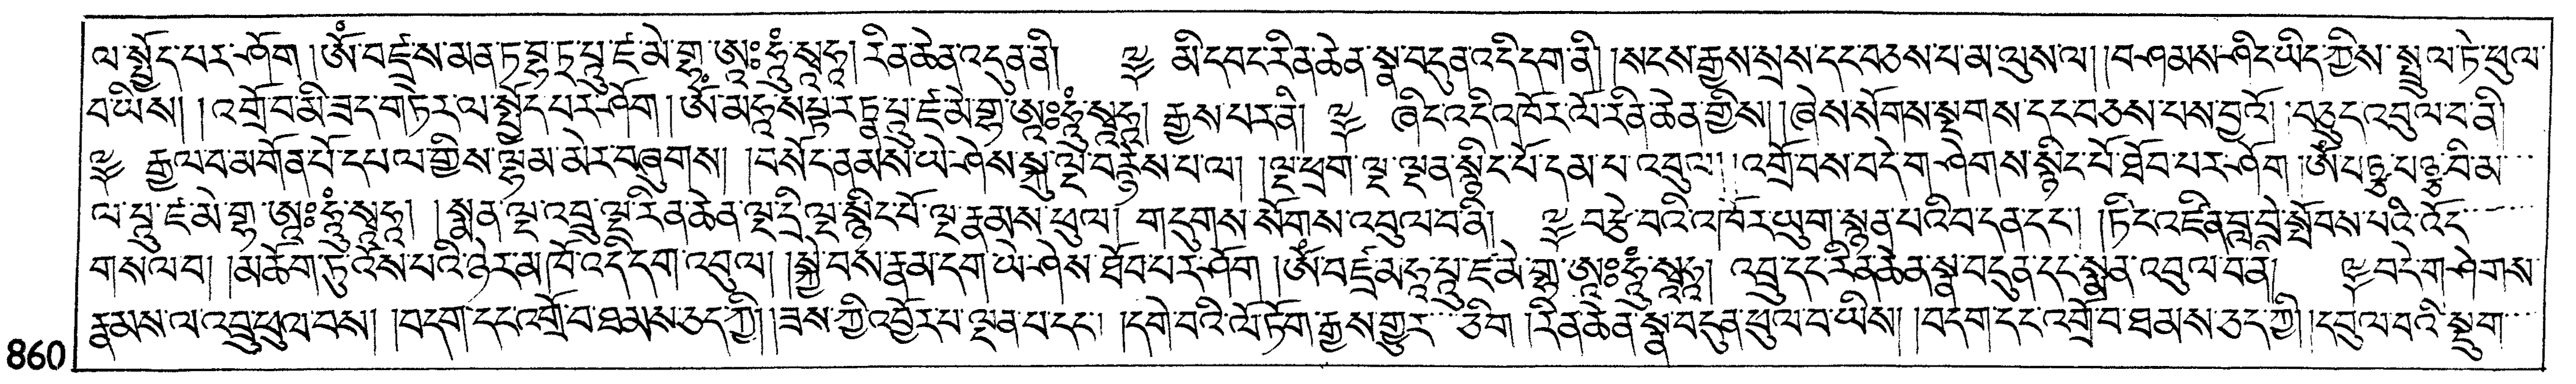ལ་སྤྱོད་པར་ཤོག །ཨོཾ་བཛྲ་ས་མན་ཏ་བྷ་ཏྲ་པཱུ་ཛ་མེ་གྷ་ཨཱཿ ཧཱུཾ་སྭཱཧཱ། རིན་ཆེན་འདུན་ནི། ༈ མི་དབང་རིན་ཆེན་སྣ་བདུན་འདི་དག་ནི། །སངས་རྒྱས་སྲས་དང་བཅས་པ་མ་ལུས་ལ། །བཤམས་ཤིང་ཡིད་ཀྱིས་སྤྲུལ་ཏེ་ཕུལ་
བ་ཡིས། །འགྲོ་བ་མི་ཟད་གཏེར་ལ་སྤྱོད་པར་ཤོག །ཨོཾ་མཧཱ་སཔྟ་རཏྣ་པཱུ་ཛ་མེ་གྷ་ཨཱཿ ཧཱུཾ་སྭཱཧཱ། རྒྱས་པར་ནི། ༈ ཞིང་འདི་འཁོར་ལོ་རིན་ཆེན་གྱིས། །ཞེས་སོགས་སྔགས་དང་བཅས་པས་བྱའོ། །བཅུད་འབུལ་བ་ནི།
༈ རྒྱལ་བ་མགོན་པོ་དཔལ་གྱིས་ལྷམ་མེར་བཞུགས། །བསོད་ནམས་ཡེ་ཤེས་སྐུ་ལྔ་བརྙེས་པ་ལ། །ལྔ་ཕྲག་ལྔ་ལྡན་སྙིང་པོ་དམ་པ་འབུལ། །འགྲོ་བས་བདེ་གཤེགས་སྙིང་པོ་ཐོབ་པར་ཤོག །ཨོཾ་པཉྩ་པཉྩ་བི་མ་
ལ་པཱུ་ཛ་མེ་གྷ་ཨཱཿ ཧཱུཾ་སྭཱཧཱ། །སྨན་ལྔ་འབྲུ་ལྔ་རིན་ཆེན་ལྔ་དྲི་ལྔ་སྙིང་པོ་ལྔ་རྣམས་ཕུལ། གདུགས་སོགས་འབུལ་བ་ནི། ༈ བརྩེ་བའི་འཁོར་ཡུག་སྙན་པའི་བ་དན་དང་། །ཏིང་འཛིན་བླ་བྲེ་སྤོབས་པའི་འོད་
གསལ་བ། །མཆོག་ཏུ་འོས་པའི་ཉེར་མཁོ་འདི་དག་འབུལ། །སྐྱེ་བས་རྣམ་དག་ཡེ་ཤེས་ཐོབ་པར་ཤོག །ཨོཾ་བཛྲ་མཧཱ་པཱུ་ཛ་མེ་གྷ་ཨཱཿ ཧཱུཾ་སྭཱཧཱ། འབྲུ་དང་རིན་ཆེན་སྣ་བདུན་དང་སྨན་འབུལ་བ་ནི། ༈ བདེ་གཤེགས་
རྣམས་ལ་འབྲུ་ཕུལ་བས། །བདག་དང་འགྲོ་བ་ཐམས་ཅད་ཀྱི། །ཟས་ཀྱི་འབྱོར་པ་ལྡན་པ་དང་། །དགེ་བའི་ལོ་ཏོག་རྒྱས་གྱུར་ཅིག །རིན་ཆེན་སྣ་བདུན་ཕུལ་བ་ཡིས། །བདག་དང་འགྲོ་བ་ཐམས་ཅད་ཀྱི། །དབུལ་བའི་སྡུག་